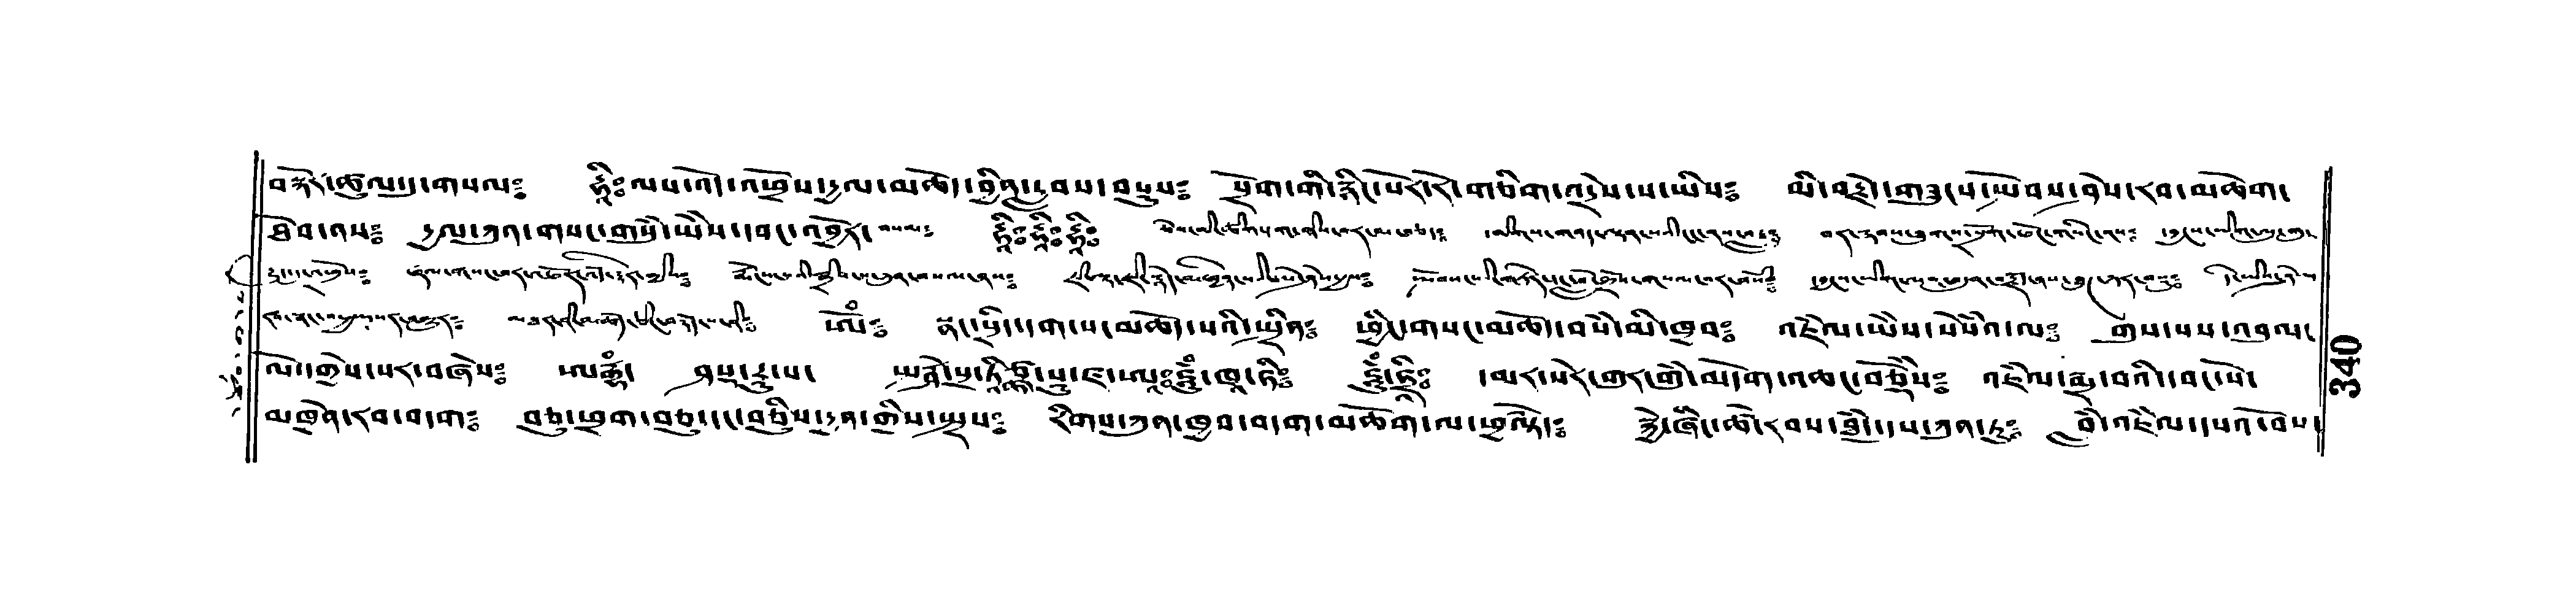བསྐོར་ཚུལ་དུ་གསལ༔ དྷཱིཿལས་འོད་འཕྲོས་རྒྱལ་མཆོད་བྱིན་རླབས་བསྡུས༔ སྲོག་གི་སྙིང་པོར་རོ་གཅིག་འདྲེས་པ་ཡིས༔ མི་བརྗེད་གཟུངས་སྤོབས་ཤེས་རབ་མཆོག་
ཐོབ་ནས༔ རྒྱལ་ཀུན་གསང་གསུམ་ཡེ་ཤེས་དབང་འབྱོར་བསམ༔ དྷཱིཿདྷཱིཿདྷཱིཿ ཅེས་མི་ཚིག་དག་གིས་བར་མ་བཅད༔ དམིགས་གནད་ལྡན་པའི་ངང་ནས་བཟླ༔ བར་སྐབས་ཐུགས་སྲོག་ཁོང་གསེང་ནས༔ དབྱངས་ཡིག་ལུ་གུ་
རྒྱུད་དུ་འཕྲོས༔ ཞལ་གསང་བར་འཁོར་འོད་ཟེར་གྱིས༔ རྨོངས་པའི་སྒྲིབ་པ་ཀུན་བསལ་ནས༔ ཇི་ལྟ་ཇི་སྙེད་མཁྱེན་པའི་ཡེ་ཤེས་རྒྱས༔སྤོབས་པའི་གཏེར་དང་བློ་གྲོས་གསལ་བར་བསམ༔ དབྱངས་ཡིག་ལན་བདུན་བརྗོད་ནས་ཐུགས་ཀར་བསྡུ༔ དེ་ཡིས་ཤེས་
རབ་སྣང་བ་རྒྱས་པར་འགྱུར༔ མཐར་ནི་མཆོད་ཅིང་བསྟོད་པ་ནི༔ ཨོཾ༔ སྣང་སྲིད་དག་པ་མཆོད་པའི་སྤྲིན༔ ཕྱི་ནང་གསང་མཆོད་བསམ་མི་ཁྱབ༔ འཇམ་དཔལ་ཡེ་ཤེས་སེམས་དཔའ་ལ༔ གུས་པས་འབུལ་
ལོ་དགྱེས་པར་བཞེས༔ ཨརྒྷཾ༴ ཤཔྡ་རཱུ་པ༴ སྤརྴེ་པྲ་ཏཱིཙྪ་པཱུ་ཛ་ཨཱཿཧཱུྃ་ཁཱ་ཧི༔ ཧཱུྃ་ཧྲཱིཿ དམར་སེར་གུར་གུམ་མདོག་འཆང་བཅོམ་ལྡན་འདས༔ འཇམ་དཔལ་སྨྲ་བའི་དབང་པོ་
མཁྱེན་རབ་བདག༔ བཅུ་ཕྲག་བཅུ་དང་བཅུ་གཉིས་རྒྱན་གྱིས་སྤྲས༔ རིགས་ཀུན་ཁྱབ་བདག་མཆོག་ལ་ཕྱག་འཚལ་བསྟོད༔ སྐྱེ་ཞིང་ཚེ་རབས་ཐམས་ཅད་དུས་ཀུན་ཏུ༔ བླ་མ་འཇམ་དཔལ་དཔའ་བོས་